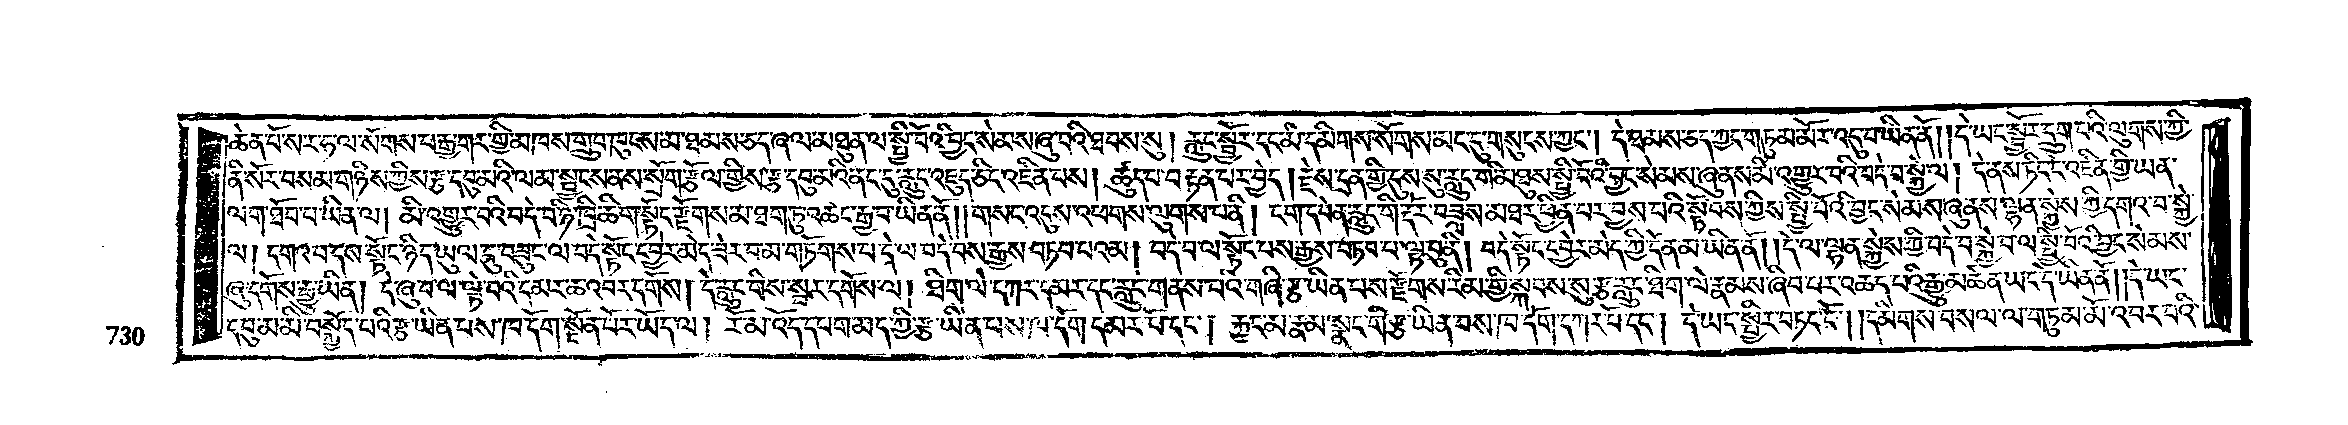དང་། སྙིང་ཁར་ཧཱུཾ་རིང་ཆ་གཉིས་ཀྱི་སྒྲ་སྒྲོགས་པ་དང་། མགྲིན་པར་སླེབས་པའི་ཚེ་ཨོཾ་རིང་ཆ་གསུམ་དང་ལྡན་པའི་སྒྲ་སྒྲོགས་པས། དེའི་ཆ་ནས་ལྟེ་བར་ཨ་ཐུང་དང་། སྙིང་ཁར་ཧཱུཾ་རིང་པོ། མགྲིན་པར་ཨོཾ་རིང་ཆ་དང་ལྡན་པར་བསྒོམས་པའི་རྒྱུ་མཚན་དེ་ཡིན་ནོ། །མདོར་བསྡུ་ན་
སྨད་ནས་འབྱུང་བའི་རླུང་ལྟེ་བར་ཨ་ཐུང་གི་ཡུན་དང་། སྙིང་ཁར་ཧཱུཾ་གི་སྒྲ་སྒྲོགས་པའི་ཚེ་ཨ་ཐུང་ཉིས་འགྱུར་གྱི་ཡུན་དང་། མགྲིན་པར་ཨོཾ་གྱི་སྒྲ་སྒྲོགས་དུས་སུ་ཨ་ཐུང་སུམ་འགྱུར་གྱི་ཡུན་ཡོད་པས། ཧཱུཾ་རིང་ཆ་གཉིས་དང་ཨོཾ་ལ་རིང་ཆ་གསུམ་ཡོད་དོ། །སྐབས་སུ་
བབ་པའི་དམིགས་པ་ངོས་བཟུང་བ་ནི། བསྐྱེད་རིམ་མཐར་ཕྱིན་ནས་རྫོགས་རིམ་བསྒོམ་པ་དང་། ཐུན་བཞིའི་ཚེ་ན་གསུམ་ལ་བསྐྱེད་རིམ། གཅིག་ལ་རྫོགས་རིམ་བསྒོམ་པ་དང་། བསྐྱེད་རིམ་ཐུན་བཞིར་བསྒོམ་པའི་ཐུན་རེ་རེའི་རྗེས་སུ་རྫོགས་རིམ་བསྒོམ་པའི་ལུགས་
ལས། འདིར་ནི་ཐ་མའི་ལུགས་ཡིན་ལ། དེ་ཡང་དང་པོ་ལྷ་གང་ཡིན་གྱི་མངོན་རྟོགས་བསྒོམས་ལ། དེ་རྗེས་བླ་མའི་རྣལ་འབྱོར་བསྒོམ་ཞིང་བླ་མ་ལ་གསོལ་བ་འདེབས་པ་བརྒྱ་རྩ་རེ་བྱ། དེ་ནས་སྤྱི་གཙུག་ནས་ལྟེ་བའི་བར་གྱི་རྩ་གསུམ་པོའི་གནས་ཚུལ་དང་། ཁ་
དོག་རྣམས་གསོལ་འདེབས་ཤིང་། ལྟེ་བ་ན་རྩ་དམར་པོ་འདབ་མ་བརྒྱད་པ་གདུགས་ཁ་གྱེན་བསྟན་ལྟ་བུ། སྙིང་ཁ་ན་རྩ་འདབ་མ་བརྒྱད་པ་ཁ་དོག་དཀར་པོ་གདུགས་ཁ་ཕུབ་པ་ལྟ་བུ། མགྲིན་པ་ན་རྩ་དམར་པོ་འདབ་མ་བཅུ་དྲུག་པ་གདུགས་ཁ་གྱེན་ལ་བསྟན་པ་ལྟ་
བུ། སྤྱི་བོ་ན་ཁ་དོག་སྣ་ཚོགས་པའི་རྩ་འདབ་མ་སོ་གཉིས་པ་གདུགས་ཁ་ཕུབ་པ་ལྟ་བུ་གསལ་བཏབ་ནས་ལྟེ་བའི་རྩ་མདུད་ནང་དུ་ཟླ་བའི་སྟེང་དུ་ཨ་དམར་པོ་མགོ་གྱེན་ལ་བསྟན་པ། སྙིང་ཁའ་རྩ་མདུད་ནང་དུ་ཟླ་བའི་སྟེང་དུ་ཧཱུཾ་སྔོན་པོ་མགོ་ཐུར་དུ་ལྟ་བ། མགྲིན་